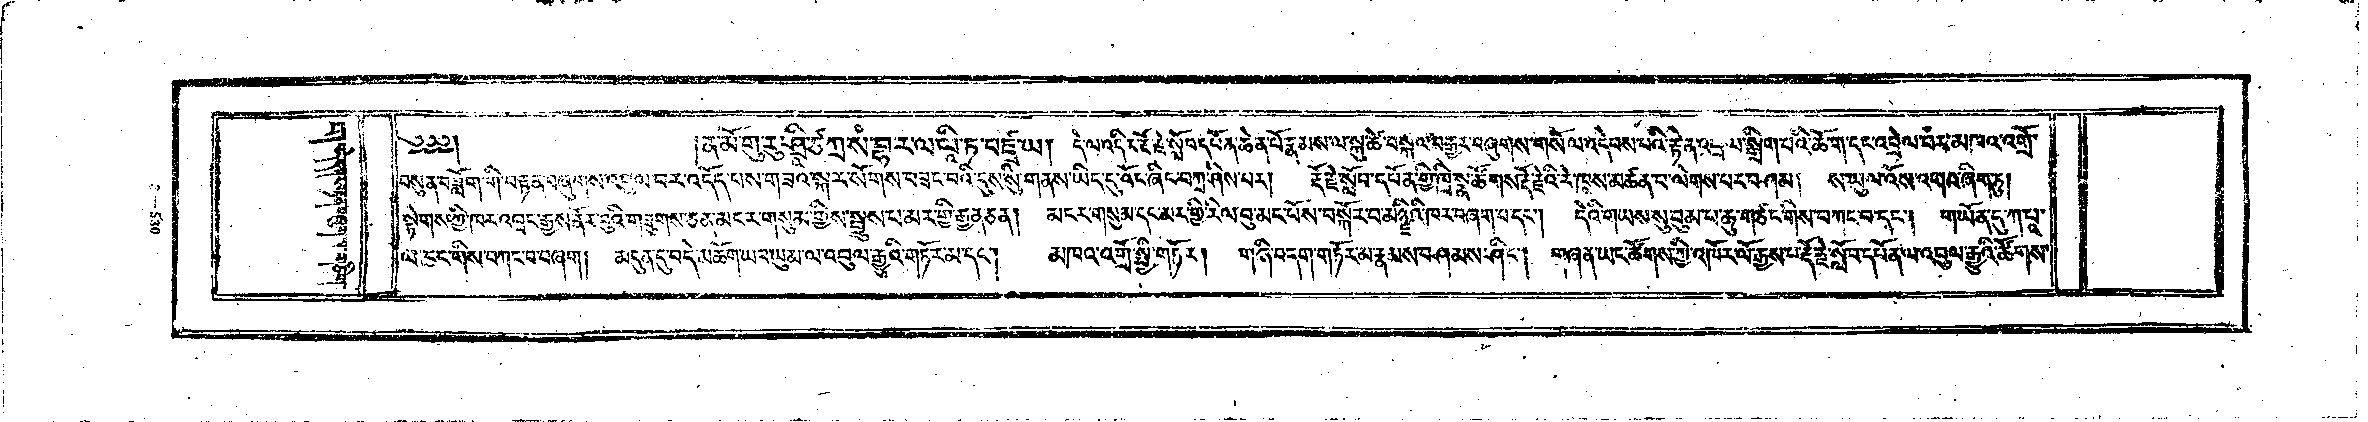༄༅༅། །ན་མོ་གུ་རུ་ཤྲཱི་ཙཀྲ་སཾ་བྷ་ར་ལ་ལཱི་ཏ་བཛྲ་ཡ། དེ་ལ་འདིར་རྡོ་རྗེ་སློབ་དཔོན་ཆེན་པོ་རྣམས་ལ་སྐུ་ཚེ་བསྐལ་བརྒྱར་བཞུགས་གསོལ་འདེབས་པའི་རྟེན་འབྲལ་སྒྲིག་པའི་ཆོག་དང་འབྲེལ་བར་མཁའ་འགྲོ་
བསུན་བཟློག་གི་བརྟན་བཞུགས་འབུལ་བར་འདོད་པས་གཟའ་སྐར་སོགས་བཟང་བའི་དུས་སུ་གནས་ཡིད་དུ་འོང་ཞིང་བཀྲ་ཤིས་པར། རྡོ་རྗེ་སློབ་དཔོན་གྱི་ཁྲི་སྣ་ཚོགས་རྡོ་རྗེའི་རེ་ཁཱ་ས་མཚན་པ་ལེགས་པར་བཤམ། ས་ཡུལ་འོས་འགའ་ཞིག་ཏུ།
སྟེགས་ཀྱི་ཁར་འབང་རྒྱས་ནོར་བུའི་གཟུགས་ཅན་མངར་གསུམ་གྱིས་སྦྲུས་པ་མར་གྱི་རྒྱན་ཅན། མངར་གསུམ་དང་མར་གྱི་རིལ་བུ་མང་པོས་བསྐོར་བ་མཉྫིའི་ཁར་བཞག་པ་དང་། དེའི་གཡས་སུ་བུམ་པ་ཆུ་གཙང་གིས་བཀང་པ་དང་། གཡོན་དུ་ཀ་པཱ་
ལ་ཆང་གིས་བཀང་བ་བཞག །མདུན་དུ་བདེ་མཆོག་ཡབ་ཡུམ་ལ་འབུལ་རྒྱུའི་གཏོར་མ་དང་། མཁའ་འགྲོ་སྤྱི་གཏོར། གཞི་བདག་གཏོར་མ་རྣམས་བཤམས་ཤིང་། གཞན་ཡང་ཚོགས་ཀྱི་འཁོར་ལོ་རྒྱས་པ་རྡོ་རྗེ་སློབ་དཔོན་ལ་འབུལ་རྒྱུའི་ཚོགས་